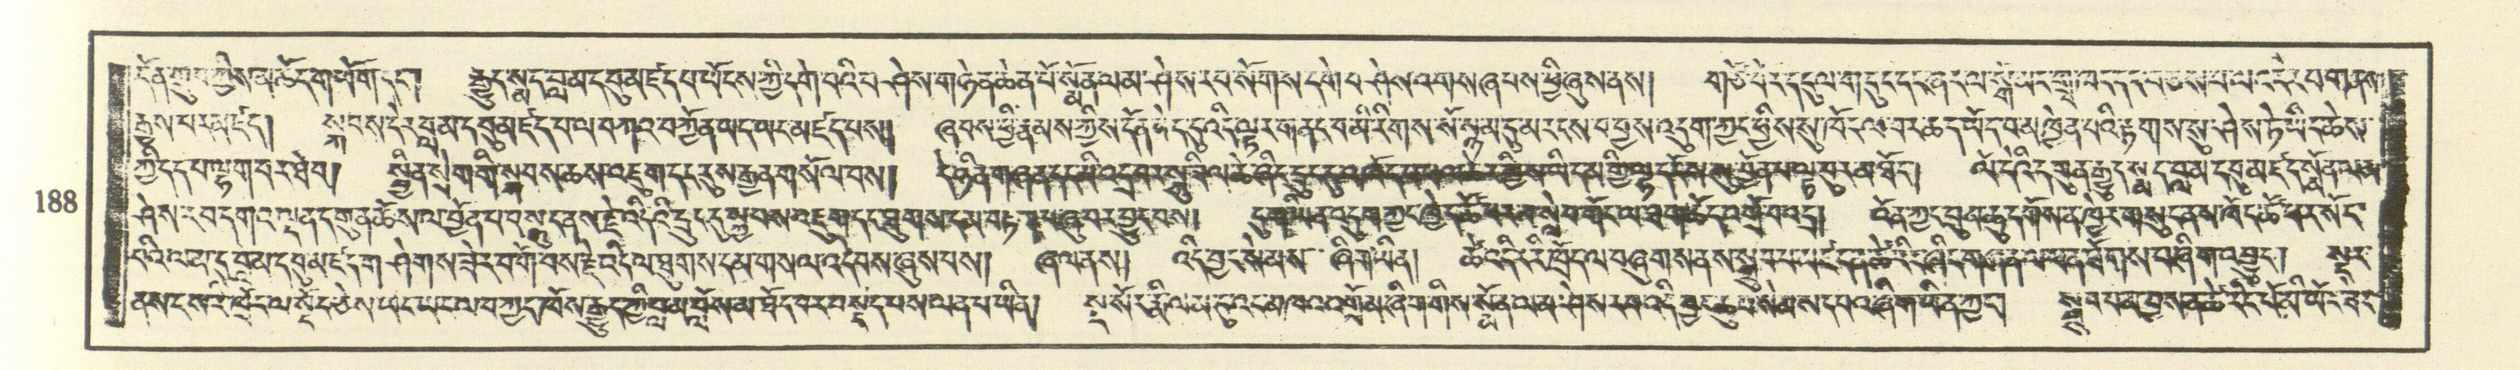དོན་གྲུབ་ཀྱིས་མཆོད་གཡོག་དང་། རྒྱུད་སྨད་བླ་མ་དབུ་མཛད་པ་ཡོངས་ཀྱི་དགེ་བའི་བཤེས་གཉེན་ཆེན་པོ་སྨོན་ལམ་ཤེས་རབ་སོགས་དགེ་བཤེས་འགས་ཞབས་ཕྱི་ཞུས་ནས། གཙོ་བོར་དངུལ་གདུང་དང་ཞར་ལ་སྒོ་མང་གྲྭ་ཁང་དང་བཅས་པ་ལའང་རབ་གནས་
རྒྱས་པར་མཛད། སྐབས་དེར་བླ་མ་དབུ་མཛད་པ་ལ་བཀའ་བཀྱོན་ཡང་ཡང་མཛད་པས། ཞབས་ཕྱི་རྣམས་ཀྱིས་དོན་མེད་དུ་འདི་ལྟར་གནང་བ་མི་རིགས་སོ་སྙམ་དུ་མ་རངས་བ་བྱས་འདུག་ཀྱང་ཕྱིས་སུ་ཁོང་ལ་བར་ཆད་ཡོད་པ་མཁྱེན་པའི་རྟགས་སུ་ཤེས་ཏེ་ཡིད་ཆེས་
ཀྱི་དད་པ་ལྷག་པར་ཐེབ། སྦྱིན་སྲེག་གི་སྐབས་ཆས་འཇུག་དང་དུས་རྒྱན་གསོལ་བས། དེ་ཉིན་གཞན་དང་མི་འདྲ་བར་སྐུ་ཟིལ་ཆེ་ཞིང་དྲུང་དུ་འཁོད་པ་ཕལ་ཆེར་གྱིས་ཡི་དམ་གྱི་ལྷ་དངོས་སུ་བྱོན་པ་ལྟ་བུར་མཐོང་། ལོ་དེའི་དགུན་རྒྱུད་སྨད་བླ་མ་དབུ་མཛད་སྨོན་ལམ་
ཤེས་རབ་དགའ་ལྡན་དགུན་ཆོས་ལ་བྱོན་པ་བསྙུང་ནས་རྗེ་འདིའི་དྲུང་དུ་སྐྱབས་འཇུག་དང་ཐུགས་དམ་བརྟག་པ་ཞུ་བར་བྱུང་བས། དུག་ཡིན་འདུག་ཀྱང་ཁྱེད་ཚོ་ཕར་མ་སླེབ་གོང་ལ་ཐག་ཆོད་འགྲོ་བ་འདྲ། འོན་ཀྱང་བུམ་ཆུ་དགོས་ན་ཁྱེར་གསུང་ནས་ཁོང་ཚོ་ཕར་སོང་
བའི་ལམ་དུ་བླ་མ་དབུ་མཛད་གཤེགས་ཟེར་བ་གོ་བས་རྗེ་འདི་ལ་ཐུགས་དམ་གསལ་འདེབས་ཞུས་པས། ཞལ་ནས། འདི་བྱང་སེམས་ཞིག་ཡིན། ཚེ་འདིར་རི་ཁྲོད་ལ་བཞུགས་ནས་སྒྲུབ་པ་མཛད་ན་ཚེ་རིང་ཞིང་གཞན་ལ་ཕན་ཐོགས་པ་ཞིག་འབྱུང་། སྔར་
ནས་ངས་རི་ཁྲོད་ལ་སྡོད་ཅེས་ཡང་ཡང་ལབ་ཀྱང་ཁོས་རྒྱུད་ཀྱི་བླ་མ་བློས་མ་ཐོང་བར་བསྡད་བས་ལན་པ་ཡིན། སྔ་སོར་རྨི་ལམ་དུའང་མཁའ་འགྲོམ་ཞིག་གིས་སྨོན་ལམ་ཤེས་རབ་འདི་བྱང་ཆུབ་སེམས་དཔའ་ཞིག་ཡིན་ཀྱང་། སྒྲུབ་པ་མ་བྱས་ན་ཚེ་རིང་པོ་མི་ཡོད་ཟེར་